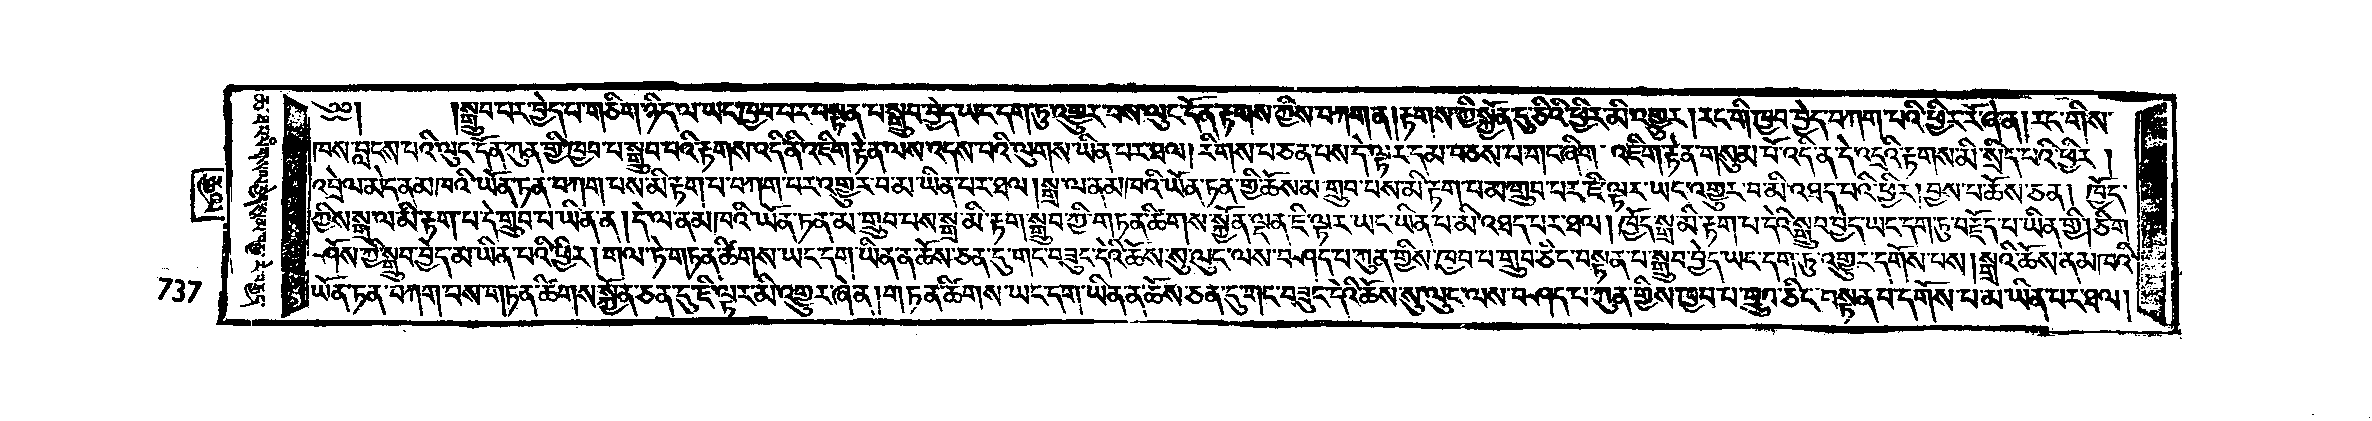༄༅། །སྒྲུབ་པར་བྱེད་པ་གཅིག་ཉིད་ལ་ཡང་ཁྱབ་པར་བསྟན་པ་སྒྲུབ་བྱེད་ཡང་དག་ཏུ་འགྱུར་བས་ལུང་དོན་རྟགས་ཀྱིས་བཀག་ན། རྟགས་ཀྱི་སྐྱོན་དུ་ཅིའི་ཕྱིར་མི་འགྱུར། རང་གི་ཁྱབ་བྱེད་བཀག་པའི་ཕྱིར་རོ་ཞེ་ན། རང་གིས་
ཁས་བླངས་པའི་ལུང་དོན་ཀུན་གྱི་ཁྱབ་པ་སྒྲུབ་པའི་རྟགས་འདི་ནི་འཇིག་རྟེན་ལས་འདས་པའི་ལུགས་ཡིན་པར་ཐལ། རིགས་པ་ཅན་པས་དེ་ལྟར་དམ་བཅས་པ་གང་ཞིག་འཇིག་རྟེན་གསུམ་པོ་འདི་ན་དེ་འདྲའི་རྟགས་མི་སྲིད་པའི་ཕྱིར།
འབྲེལ་མེད་ནམ་མཁའི་ཡོན་ཏན་བཀག་པས་མི་རྟག་པ་བཀག་པར་འགྱུར་བ་མ་ཡིན་པར་ཐལ། སྒྲ་ལ་ནམ་མཁའི་ཡོན་ཏན་གྱི་ཆོས་མ་གྲུབ་པས་མི་རྟག་པ་མ་གྲུབ་པར་ཇི་ལྟར་ཡང་འགྱུར་བ་མི་འཐད་པའི་ཕྱིར། བྱས་པ་ཆོས་ཅན། ཁྱོད་
ཀྱིས་སྒྲ་ལ་མི་རྟག་པ་དེ་གྲུབ་པ་ཡིན་ན། དེ་ལ་ནམ་མཁའི་ཡོན་ཏན་མ་གྲུབ་པས་སྒྲ་མི་རྟག་སྒྲུབ་ཀྱི་གཏན་ཚིགས་སྐྱོན་ལྡན་ཇི་ལྟར་ཡང་ཡིན་པ་མི་འཐད་པར་ཐལ། ཁྱོད་སྒྲ་མི་རྟག་པ་དེའི་སྒྲུབ་བྱེད་ཡང་དག་ཏུ་བརྗོད་པ་ཡིན་གྱི། ཅིག་
ཤོས་ཀྱི་སྒྲུབ་བྱེད་མ་ཡིན་པའི་ཕྱིར། གལ་ཏེ་གཏན་ཚིགས་ཡང་དག་ཡིན་ན་ཆོས་ཅན་དུ་གང་བཟུང་དེའི་ཆོས་སུ་ལུང་ལས་བཤད་པ་ཀུན་གྱིས་ཁྱབ་པ་གྲུབ་ཅིང་བསྟན་པ་སྒྲུབ་བྱེད་ཡང་དག་ཏུ་འགྱུར་དགོས་པས། སྒྲའི་ཆོས་ནམ་མཁའི་
ཡོན་ཏན་བཀག་པས་གཏན་ཚིགས་སྐྱོན་ཅན་དུ་ཇི་ལྟར་མི་འགྱུར་ཞེ་ན། གཏན་ཚིགས་ཡང་དག་ཡིན་ན་ཆོས་ཅན་དུ་གང་བཟུང་དེའི་ཆོས་སུ་ལུང་ལས་བཤད་པ་ཀུན་གྱིས་ཁྱབ་པ་གྲུབ་ཅིང་བསྟན་པ་དགོས་པ་མ་ཡིན་པར་ཐལ།